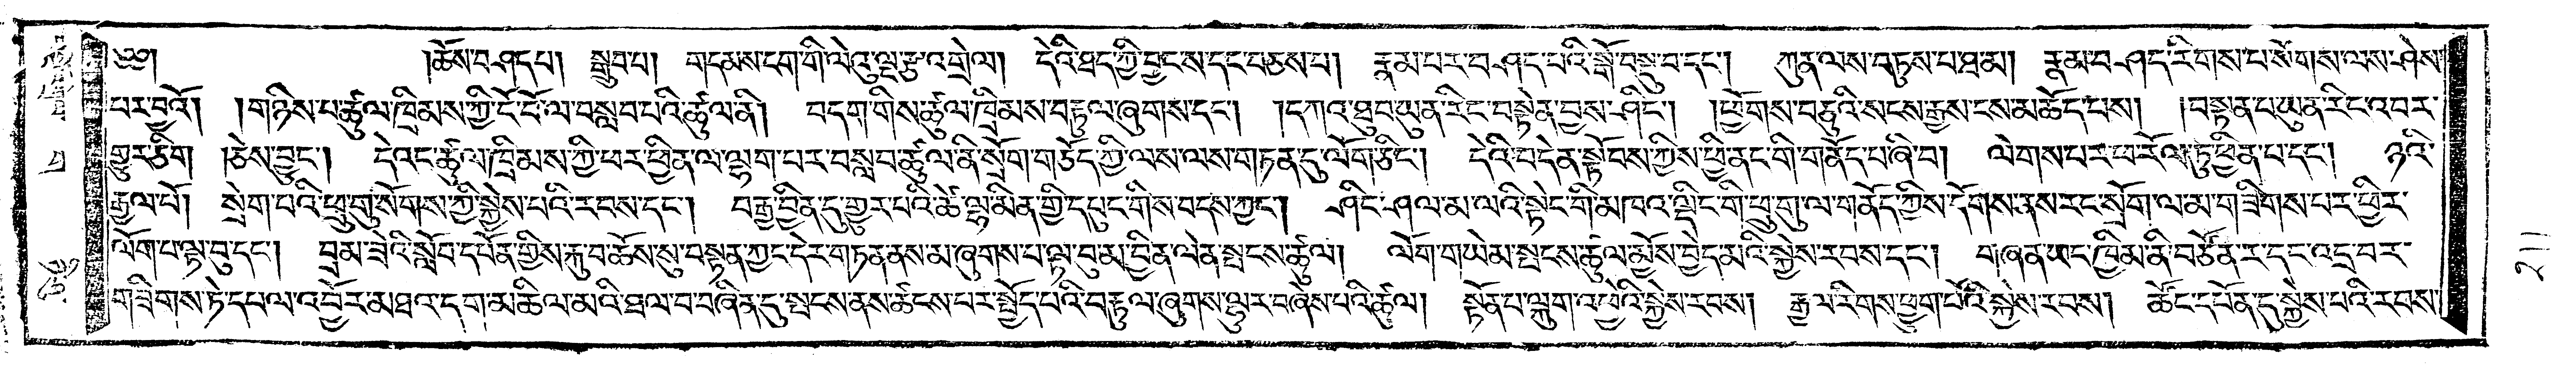༄༅། །ཆོས་བཤད་པ། སྒྲུབ་བ། གདམས་ངག་གི་ལེའུ་ལྔ་རྩ་འགྲེལ། དེའི་ཐད་ཀྱི་བྱང་དང་བཅས་བ། རྣམ་པར་བཤད་པའི་སྒོ་བསྡུ་བ་དང་། ཀུན་ལས་བཏུས་བ་ཐ་མ། རྣམ་བཤད་རིགས་པ་སོགས་ལས་ཤེས་
པར་བྱའོ། །གཉིས་པ་ཚུལ་ཁྲིམས་ཀྱི་ངོ་བོ་ལ་བསླབ་པའི་ཚུལ་ནི། བདག་གིས་ཚུལ་ཁྲིམས་བརྟུལ་ཞུགས་དང་། །དཀའ་ཐུབ་ཡུན་རིང་བསྟེན་བྱས་ཤིང་། །ཕྱོགས་བཅུའི་སངས་རྒྱས་པས་མཆོད་པས། །བསྟན་པ་ཡུན་རིང་འབར་
གྱུར་ཅིག །ཅེས་བྱུང་། དེའང་ཚུལ་ཁྲིམས་ཀྱི་ཕར་ཕྱིན་ལ་ལྷག་པར་བསླབ་ཚུལ་ནི་སྲོག་གཅོད་ཀྱི་ལས་ལས་གཏན་དུ་ལོག་ཅིང་། དེའི་བདེན་སྟོབས་ཀྱིས་ཕྱི་ནང་གི་གནོད་པ་ཞི་བ། ལེགས་པར་ཕ་རོལ་ཏུ་ཕྱིན་པ་དང་། ཉའི་
རྒྱལ་པོ། སྲེག་པའི་ཕྲུ་གུ་སོགས་ཀྱི་སྐྱེས་བའི་རབས་དང་། བརྒྱ་བྱིན་དུ་གྱུར་བའི་ཚེ་ལྷ་མིན་གྱི་དཔུང་གིས་བདས་ཀྱང་། ཤིང་ཤལ་མ་ལའི་སྟེང་གི་མཁའ་ལྡིང་གི་ཕྲུ་གུ་ལ་གནོད་ཀྱིས་དོགས་ནས་རང་སྲོག་ལམ་གཟིགས་པར་ཕྱིར་
ལོག་པ་ལྟ་བུ་དང་། བྲམ་ཟའི་སློབ་དཔོན་གྱིས་རྐུབ་ཆོས་སུ་བསྟན་ཀྱང་དེར་གཏན་ནས་མ་ཞུགས་པ་ལྟ་བུ་མ་བྱིན་ལེན་སྤངས་ཚུལ། ལོག་གཡེམ་སྤངས་ཚུལ་མྱོས་བྱེད་མའི་སྐྱེས་རབས་དང་། གཞན་ཡང་ཁྱིམ་ནི་བཙོན་ར་དང་འདྲ་བར་
གཟིགས་ཏེ་དང་ལ་འབྱོར་མཐའ་དག་མཆིལ་མའི་ཐལ་བ་བཞིན་དུ་སྤངས་ནས་ཚངས་པར་སྤྱོད་པའི་བརྟུལ་ཞུགས་ལྷུར་བཞེས་པའི་ཚུལ། སྟོན་བ་ལྐུག་འཕྱེའི་སྐྱེས་རབས། རྒྱལ་རིགས་ཕྱུག་པོའི་སྐྱེས་རབས། ཚོང་དཔོན་དུ་སྐྱེས་པའི་རབས་